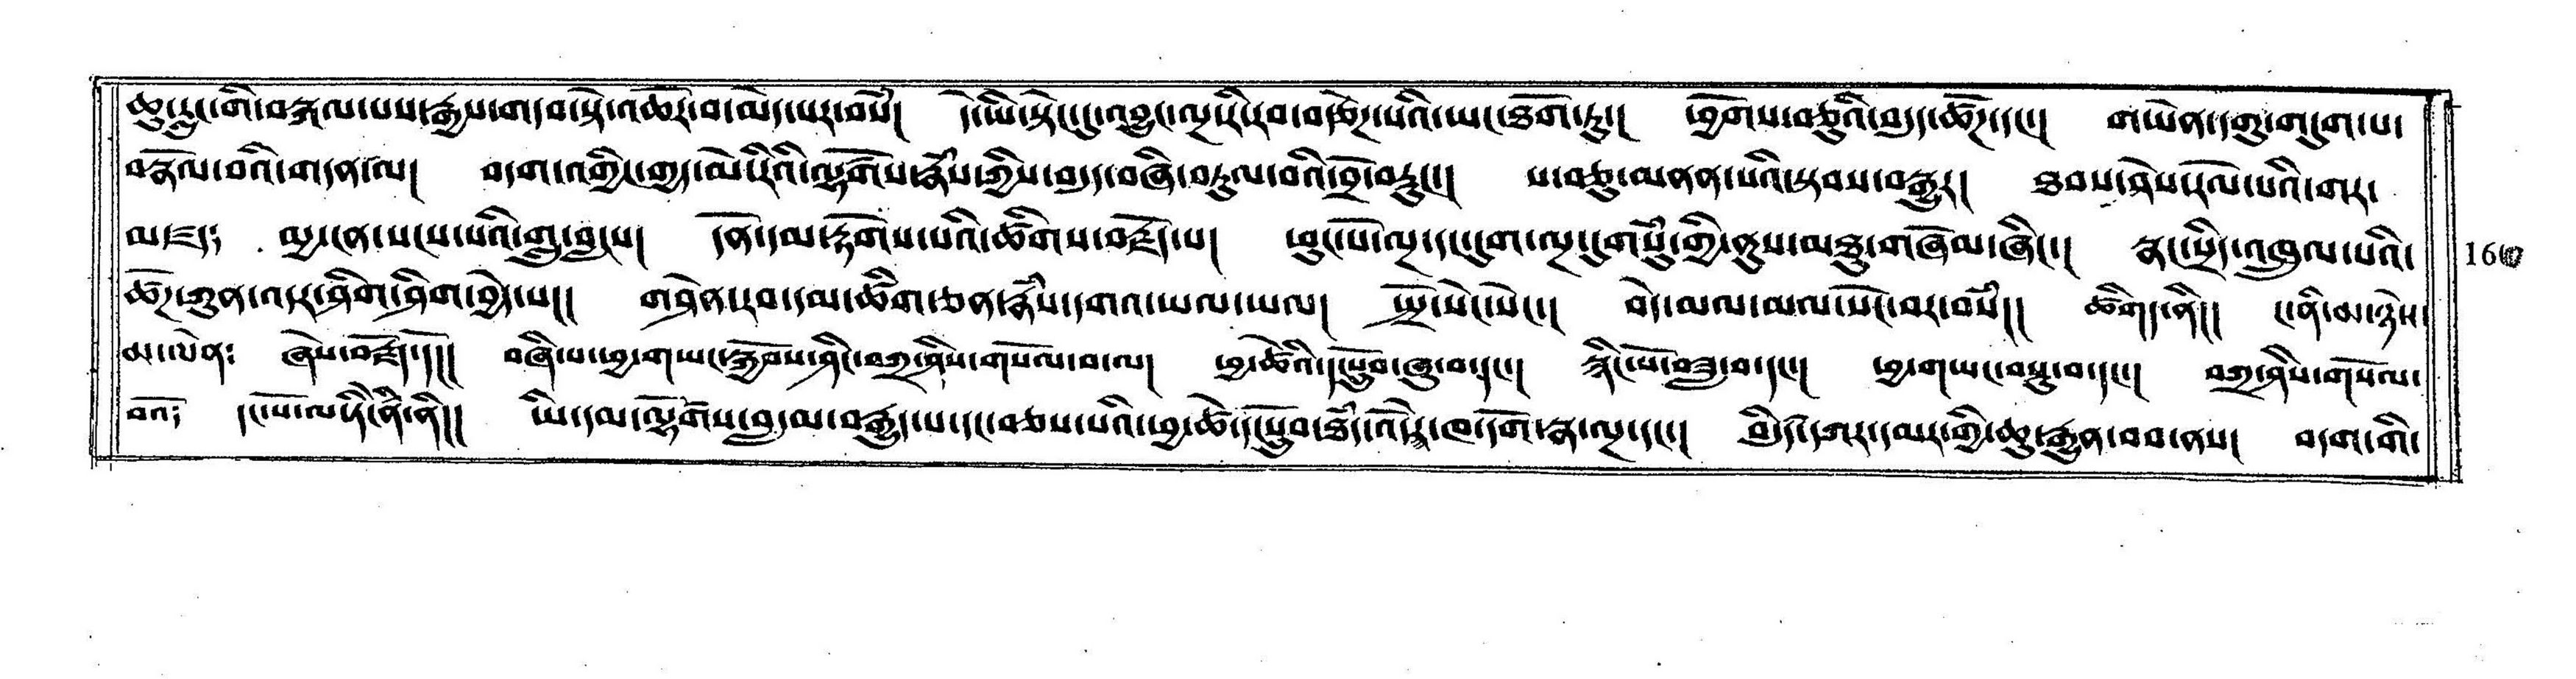ཆུ་རླུང་གི་བསྐལ་པས་རྒྱས་གདབ་སྟེ་འཆོར་བ་མེད་པར་བསམ། དེ་ཡི་སྟེང་དུ་འབྱུང་ལྔ་རི་རབ་བརྩེགས་པའི་ཡང་ཐོག་ཏུ། ཕྱོགས་བཅུའི་བདུད་ཚོགས་དང་། གཡེན་དགུ་གདུག་པ་
བསྣོལ་བའི་གདན་ལ། བདག་འགྱིང་གྱད་མེ་རིའི་ལྷ་ཚོགས་རྣམས་ཀྱིས་བདུད་བཞི་བཏུལ་བའི་བྲོ་བརྡུང་། ས་བཅུ་མནན་པའི་སྟབས་བསྒྱུར། ཐབས་ཤེས་རོལ་པའི་གར་
མཛད། མྱ་ངན་སངས་པའི་གླུ་བླངས། དོན་དམ་རྟོགས་པའི་ཚིགས་བརྗོད་པ། ཕུང་པོ་ལྔ་དང་དུག་ལྔ་དུག་གསུམ་གྱི་ནུས་མཐུ་གཞོམ་ཞིང་། སྣང་སྲིད་འཁྲུལ་པའི་
ཚོགས་ཀུན་འདར་ཤིག་ཤིག་བྱེད་པ།། གཤེན་རབ་དམ་ཚིག་ཅན་རྣམས་དགའ་ཡལ་ཡལ། སྤྲོ་སེང་སེང་། བདེ་མལ་མལ་སོང་བར་བསམ།། ཚིག་བཤད་ནི།། ང་ནི་མ་ཉེས་
མ་ལེན༴ ཞེས་བརྗོད་དོ།། བཞི་པ་ཕྱ་གཡང་སྐྱོབས་ཤིང་བཀྲ་ཤིས་གསོལ་བ་ལ། ཕྱ་ཚེའི་དངོས་གྲུབ་ཞུ་བ་དང་། སྙིང་པོ་བཟླ་བ་དང་། ཕྱ་གཡང་བསྡུ་བ་དང་། བཀྲ་ཤིས་གསོལ་
བའོ། དང་པོ་ལ་ཏིང་ངེ་འཛིན་ནི།། ཡི་དམ་ལྷ་ཚོགས་བླ་མ་བརྒྱུད་པ་དང་བཅས་པའི་ཕྱ་ཚེ་དངོས་གྲུབ་ཐམས་ཅད་འོད་ཟེར་ཁ་དོག་སྣ་ལྔ་དང་། བདུད་རྩི་དཀར་དམར་གྱི་ཆུ་རྒྱུན་བབ་ནས། བདག་གི་